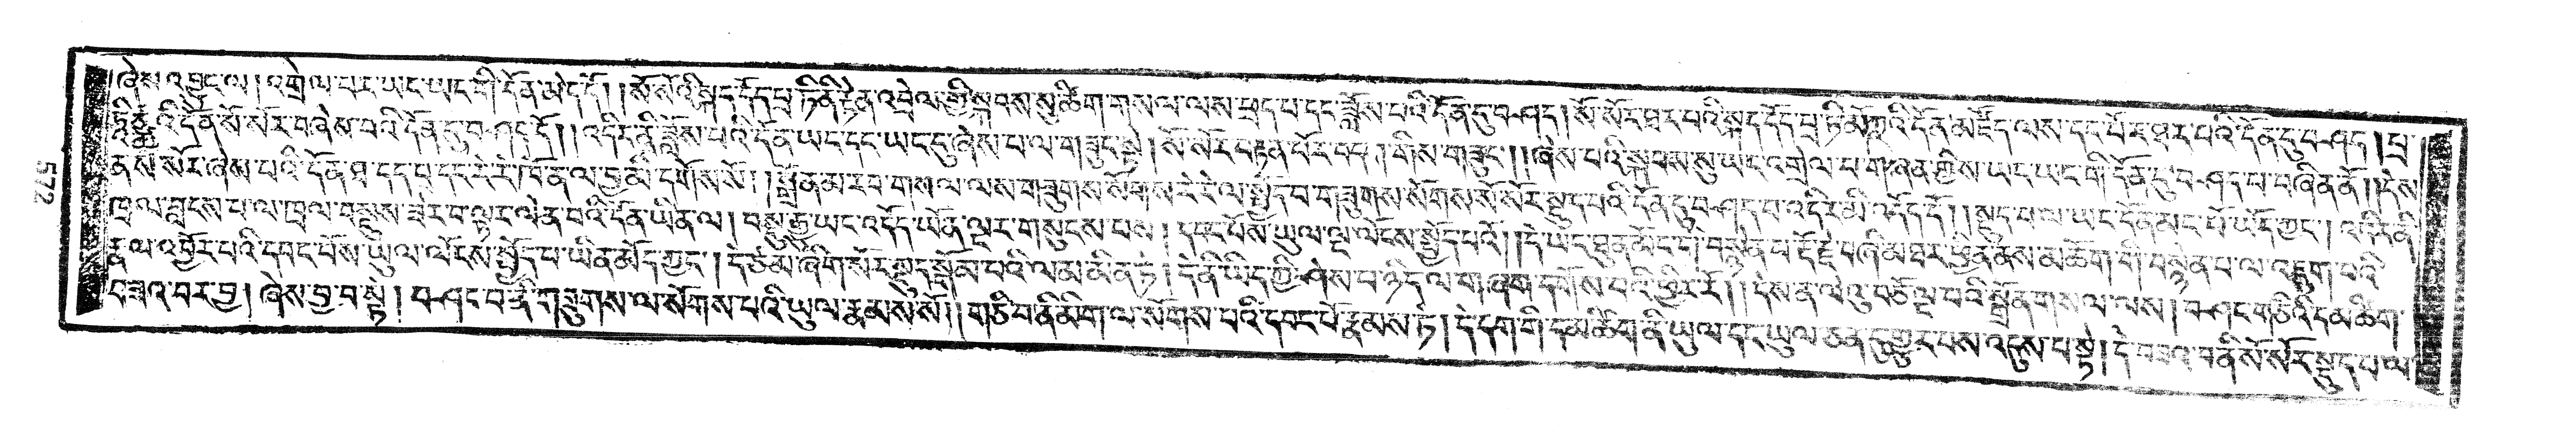ཞས་འབྱུང་ལ། འགྲེལ་བར་ཡང་ཡང་གི་དོན་མེད་དོ། །སོ་སོའི་སྐད་དོད་པྲ་ཏི་ནི་རྟེན་འབྲེལ་གྱི་སྐབས་སུ་ཚིག་གསལ་ལས་ཕྲད་པ་དང་ཟློས་པའི་དོན་དུ་བཤད། སོ་སོར་ཐར་པའི་སྐད་དོད་པྲ་ཏི་མོཀྵའི་དོན་མཛོད་ལས་དང་པོར་ཐར་པའི་དོན་དུ་བཤད། པྲ་
ཏཱི་ཙྪའི་དོན་སོ་སོར་བཞེས་པའི་དོན་དུ་བཤད་དོ། །འདིར་ནི་ཟློས་པའི་དོན་ཡང་དང་ཡང་དུ་ཞེས་པ་ལ་གཟུང་སྟེ། སོ་སོར་བརྟན་པོར་བདག་གིས་གཟུང་། །ཞེས་པའི་སྐབས་སུ་ཡང་འགྲེལ་པ་གཞན་གྱིས་ཡང་ཡང་གི་དོན་དུ་བཤད་པ་བཞིན་ནོ། །དེས་
ན་སོ་སོར་ཞེས་པའི་དོན་ཐ་དད་པ་དང་ར་རེ་ཁོ་ན་ལ་བྱ་མི་དགོས་སོ། །སྒྲོན་མ་རབ་གསལ་ལས་གཟུགས་སོགས་རེ་རེ་ལ་སྤྱོད་པ་གཟུགས་སོགས་སོ་སོར་སྡུད་པའི་དོན་དུ་བཤད་པ་འདིར་མི་འདོད་དོ། །སྡུད་པ་ལ་ཡང་དོན་མང་པོ་ཡོད་ཀྱང་། འདིར་ནི་
ཁྲལ་བླངས་པ་ལ་ཁྲལ་བསྡུས་ཟེར་བ་ལྟར་ལེན་པའི་དོན་ཡིན་ལ། བསྡུ་རྒྱུ་ཡང་འདོད་ཡོན་ལྔར་གསུངས་པས། དབང་པོས་ཡུལ་ལྔ་ལོངས་སྤྱོད་པའོ། །དེ་ཡང་ཐུན་མོང་གི་བསྙེན་པ་རྡོ་རྗེ་བཞི་མཐར་ཕྱིན་ནས་མཆོག་གི་བསྙེན་པ་ལ་འཇུག་པའི་
རྣལ་འབྱོར་པའི་དབང་པོས་ཡུལ་ལོངས་སྤྱོད་པ་ཡིན་མོད་ཀྱང་། དེ་ཙམ་ཞིག་སོར་སྡུད་སྒོམ་པའི་ལམ་མིན་ཏེ། དེ་ནི་ཡིད་ཀྱི་ཤེས་པ་ཉིད་ལ་གཞག་དགོས་པའི་ཕྱིར་རོ། །དེས་ན་ལེའུ་བཅོ་ལྔ་པའི་སྒྲོན་གསལ་ལས། བཤང་གཅིའི་དམ་ཚིག་
བཟའ་བར་བྱ། ཞེས་བྱ་བ་སྟེ། བཤད་པ་ནི་གཟུགས་ལ་སོགས་པའི་ཡུལ་རྣམས་སོ། །གཅི་བ་ནི་མིག་ལ་སོགས་པའི་དབང་པོ་རྣམས་ཏེ། དེ་དག་གི་དམ་ཚིག་ནི་ཡུལ་དང་ཡུལ་ཅན་དུ་གྱུར་པས་འདུས་པ་སྟེ། དེ་བཟའ་བ་ནི་སོ་སོར་སྡུད་པ་ལ་